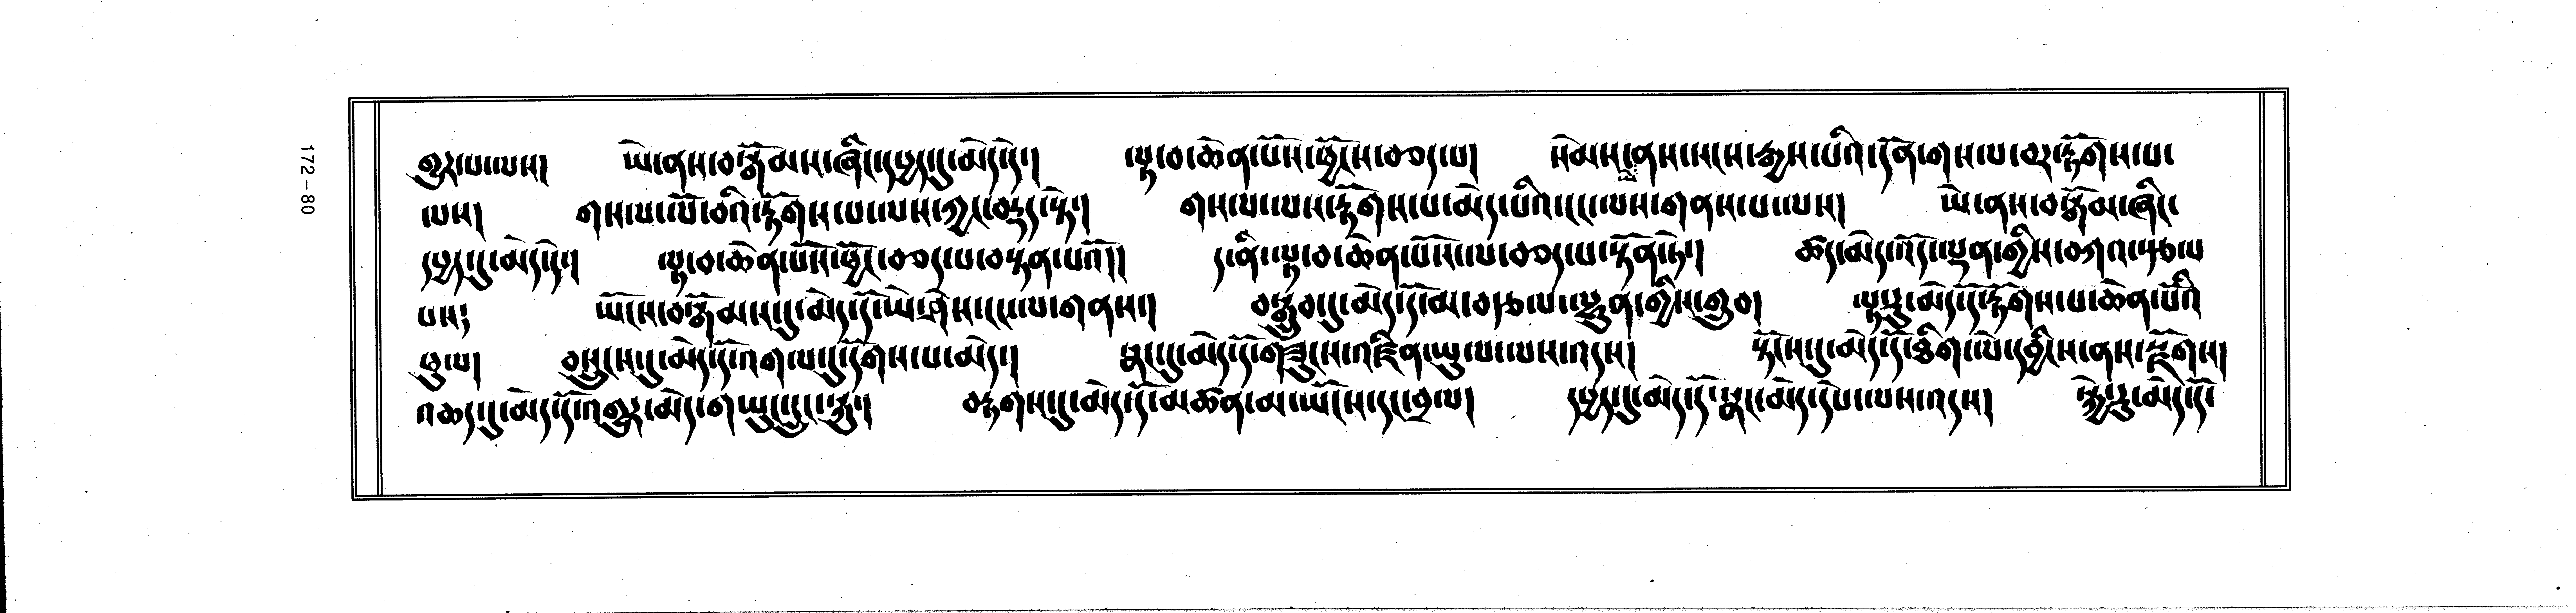གྱུར་པ་ལས། ཡེ་ནས་བསྒོམས་ཞིང་དཔྱད་དུ་མེད་དེ། ལྟ་བ་ཆེན་པོས་ཕྱོངས་བཅད་པ། སེམས་ཡེ་ན་སངས་རྒྱས་པའི་དོན་གསལ་བར་རྟོགས་པ་
ལས། གསལ་ལོ་བའི་རྟོགས་པ་ལས་ཀྱང་བརྡད་སྟེ། གསལ་ལས་རྟོགས་པ་མེད་པའི་ངང་ལས་གནས་པ་ལས། ཡེ་ནས་བསྒོམ་ཞིང་
དཔྱད་དུ་མེད་དེ། ལྟ་བ་ཆེན་པོས་ཕྱོང་བཅད་པ་བསྟན་པའོ། ད་ནི་ལྟ་བ་ཆེན་པོས་ལ་བཅད་པ་སྟོན་ཏེ། ཚད་མེད་འོད་ལྡན་གྱིས་བཀའ་སྩལ་
པས། ཡོངས་བསྒོམས་དུ་མེད་དོ་ཡེ་ཤེས་ངང་ལ་གནས། བསྒྲུབ་དུ་མེད་དོ་མ་བརྩལ་ལྷུན་གྱིས་གྲུབ། ལྟ་རུ་མེད་དོ་རྟོགས་པ་ཆེན་པོའི་
ཕུལ། བསྲུང་དུ་མེད་དོ་འགལ་དུ་དོགས་པ་མེད། སྣང་དུ་མེད་དོ་གཟུངས་འཛིན་ཡུལ་ལས་འདས། སྟོངས་དུ་མེད་དོ་ཐིག་ལེ་དབྱིངས་ནས་རྫོགས། 
འཆད་དུ་མེད་དོ་འགྱུར་མེད་གཡུང་དྲུང་སྐུ། བརྟགས་དུ་མེད་དོ་མཚན་མ་ཡོངས་དང་བྲལ། དཔྱད་དུ་མེད་དོ་སྣང་མེད་དཔེ་ལས་འདས། སྐྱེ་རུ་མེད་དོ་